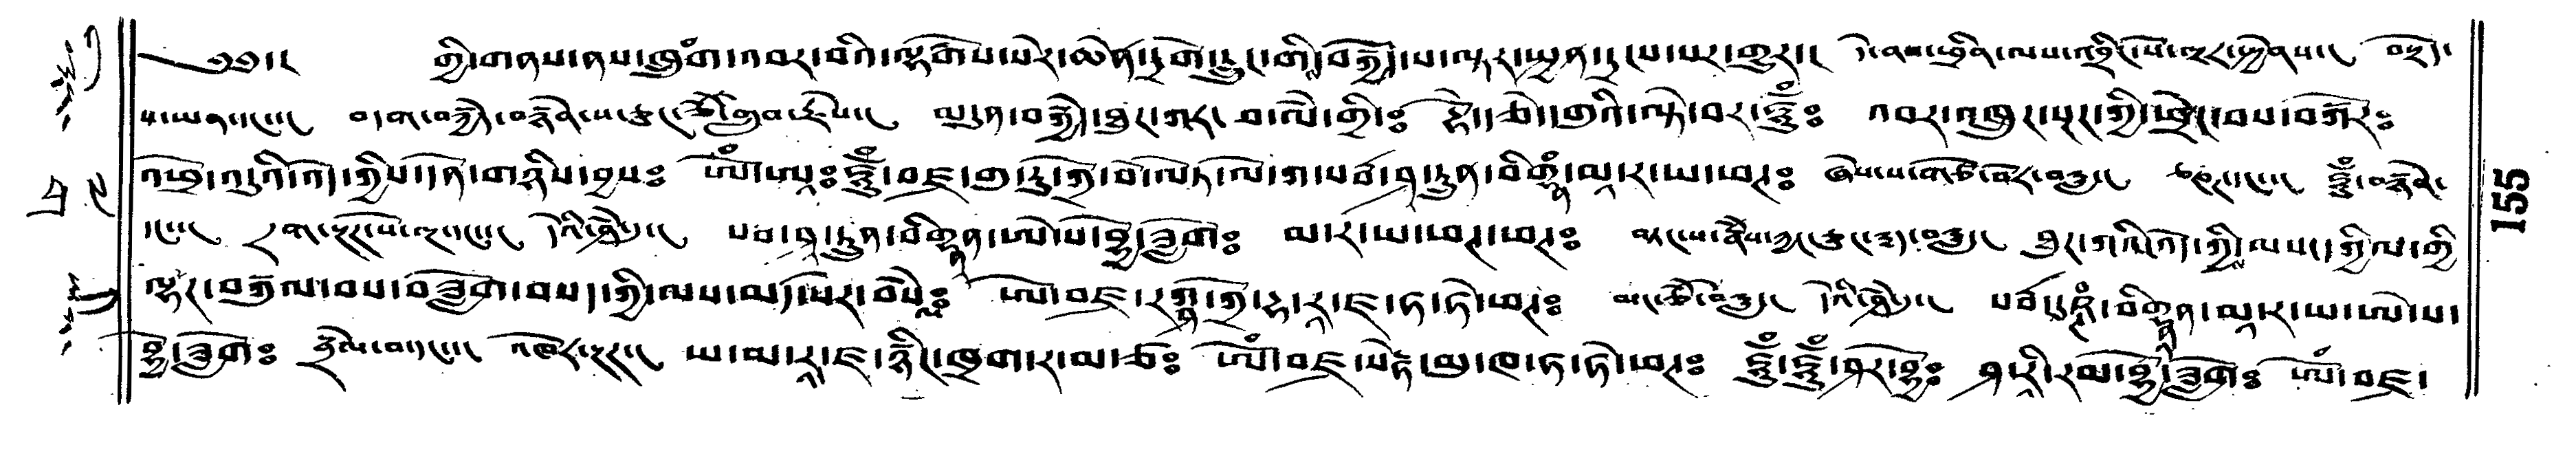གྱི་གནས་ནས་ཁྲོས་འཁུགས་འབར་བའི་ལྷ་ཚོགས་སེར་ཆེན་དྲག་པོ་རླུང་གིས་བསྐྱོད་པ་ལྟར་སྤྱན་དྲངས་པར་གྱུར། དེ་ནས་ཕྲིན་ལས་འབྲིང་པོ་ལྟར་སྤྱན་དྲངས་ནས། བསྟོད་
པ་ཡན་དང་། བདག་བསྐྱེད་བསྙེན་པ་ཅུང་ཙམ་གྲུབ་རྗེས། མདུན་བསྐྱེད་ཐུགས་དཀར་ཕ་ལམ་གྲི༔ རྡོ་རྗེ་རྩེ་དགུའི་ལྟེ་བར་ཧཱུྃ༔ འབར་འཁྲུགས་སྔགས་ཀྱི་ཕྲེང་བས་བསྐོར༔ 
འཕྲོ་འདུའི་འོད་ཀྱིས་དོན་གཉིས་བྱས༔ ཨོཾ་ཨཱ༔ཧཱུྃ་བཛྲ་གུ་རུ་གྲོ་བོ་ལོཏ་ལོ་ཀ་སརྦ་ཤ་ཏྲུམ་བིགྷྣཾ་མཱར་ཡ་ཕཊ༔ ཞེས་པ་གཙོ་བོར་བཟླ། ཙཎྜ་དང་། ཧཱུྃ་བསྙེན་
དང་། དྲག་སྔགས་སོ་ལྔ་དང་། དེའི་གཤམ་དུ། སརྦ་ཤཱ་ཏྲུམ་བིགྷྣཱན་ཨེ་ས་བྷྱོ་ཟློག༔ མ་ར་ཡ་ཕཊ་ཕཊ༔ བཏང་པ་རྣམས་ཀྱང་ཅུང་ཟད་བཟླ། ཐུགས་ཀའི་འོད་ཀྱི་ལས་དཀྱིལ་གྱི་
ལྷ་ཚོགས་བསྐུལ་བས་བཟློག་བསད་ཀྱི་ལས་མཛད་པར་བསམ་ལ། ཨོཾ་བཛྲ་རཀྴ་ཀྲོ་དྷ་རཱ་ཛ་ཧ་ཧེ་ཕཊ༔ མང་ཙམ་བཟླ། དེའི་གཤམ་དུ། སརྦ་དུཥྚན་བིགྷྣན་མཱ་ར་ཡ་ཨེ་ས་
བྷྱོ་ཟློག༔ སྦྲེལ་བ་དང་། འཁོར་སྔགས། ཡ་མ་རཱ་ཛ་སྙིང་ཁྲག་ར་མ་ཙ༔ ཨོཾ་བཛྲ་སེངྷ་མུ་ཁ་ཧ་ཧེ་ཕཊ༔ ཧཱུྃ་ཧཱུྃ་ཤར་བྷྱོ༔ ཤ་རཱི་རམ་བྷྱོ་ཟློག༔ ཨོཾ་བཛྲ་